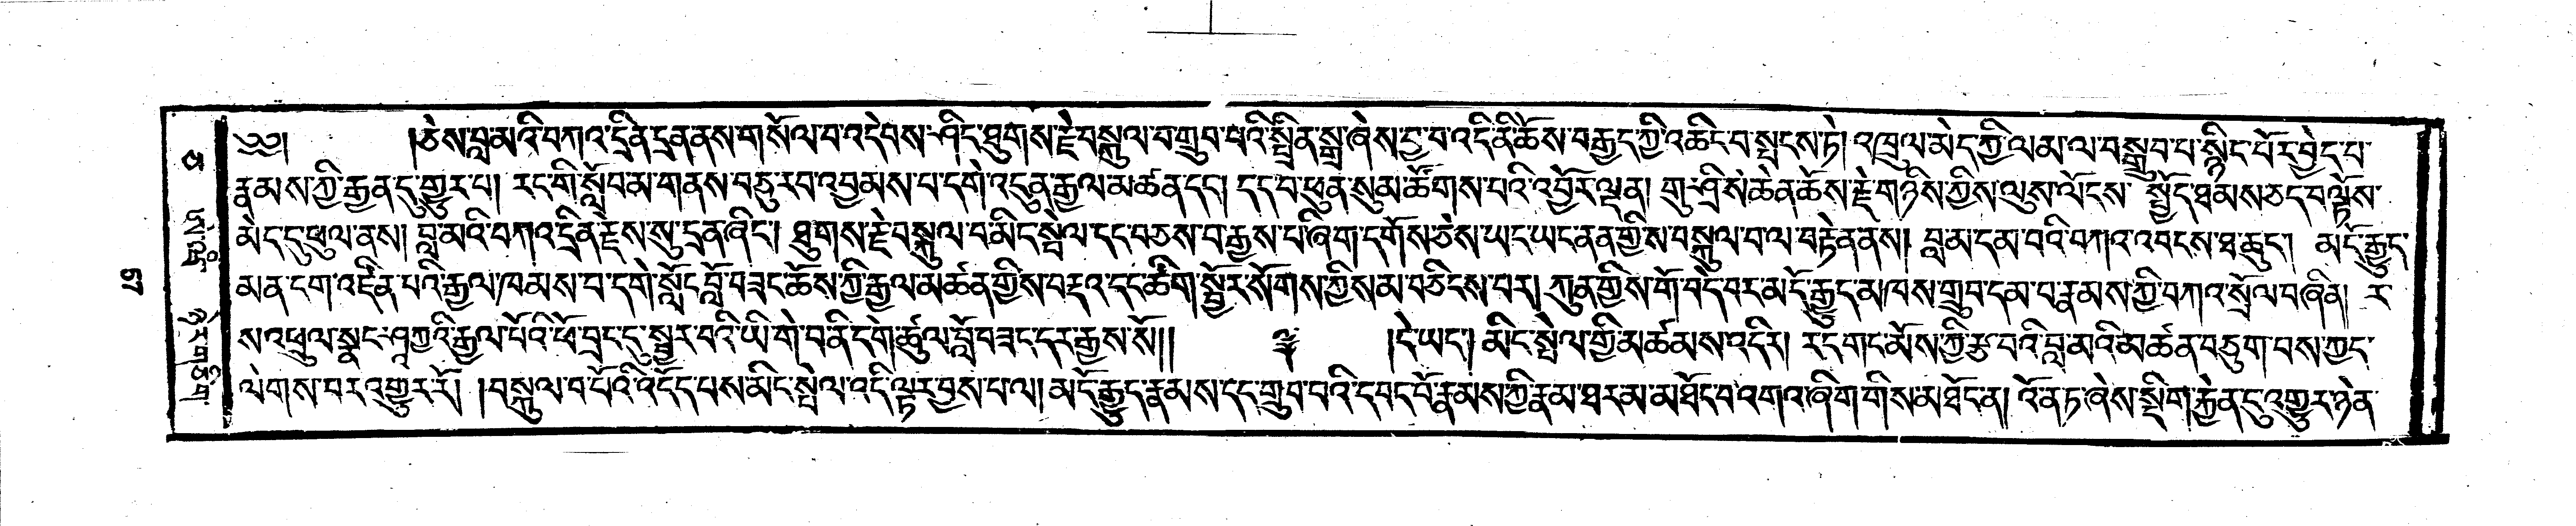༄༅། །ཅེས་བླ་མའི་བཀའ་དྲིན་དྲན་ནས་གསོལ་བ་འདེབས་ཤིང་ཐུགས་རྗེ་བསྐུལ་བ་གྲུབ་པའི་སྤྲིན་སྒྲ་ཞེས་བྱ་བ་འདི་ནི་ཆོས་བརྒྱད་ཀྱི་འཆིང་བ་སྤངས་ཏེ། འཁྲུལ་མེད་ཀྱི་ལམ་ལ་བསྒྲུབ་པ་སྙིང་པོར་བྱེད་པ་
རྣམས་ཀྱི་རྒྱན་དུ་གྱུར་པ། རང་གི་སློབ་མ་གནས་བཅུ་རབ་འབྱམས་པ་དགེ་འདུན་རྒྱལ་མཚན་དང་། དད་པ་ཕུན་སུམ་ཚོགས་པའི་འབྱོར་ལྡན། གུ་ཤྲི་ས་ཆེན་ཆོས་རྗེ་གཉིས་ཀྱིས་ལུས་ལོངས་སྤྱོད་ཐམས་ཅད་བལྟོས་
མེད་དུ་ཕུལ་ནས། བླ་མའི་བཀའ་དྲིན་རྗེས་སུ་དྲན་ཞིང་། ཐུགས་རྗེ་བསྐུལ་བ་མིང་སྤེལ་དང་བཅས་པ་རྒྱས་པ་ཞིག་དགོས་ཅེས་ཡང་ཡང་ནན་གྱིས་བསྐུལ་བ་ལ་བརྟེན་ནས། བླ་མ་དམ་པའི་བཀའ་འབངས་ཐ་ཆུང་། མདོ་རྒྱུད་
མན་ངག་འཛིན་པའི་རྒྱལ་ཁམས་པ་དགེ་སློང་བློ་བཟང་ཆོས་ཀྱི་རྒྱལ་མཚན་གྱིས་བརྡའ་དང་ཚིག་སྦྱོར་སོགས་ཀྱིས་མ་བཅིངས་པར། ཀུན་གྱིས་གོ་བདེ་བར་མདོ་རྒྱུད་མཁས་གྲུབ་དམ་པ་རྣམས་ཀྱི་བཀའ་སྲོལ་བཞིན། ར་
ས་འཕྲུལ་སྣང་ཤཱཀྱའི་རྒྱལ་པོའི་ཕོ་བྲང་དུ་སྦྱར་བའི་ཡི་གེ་པ་ནི་དགེ་ཚུལ་བློ་བཟང་དར་རྒྱས་སོ།། ༈ །དེ་ཡང་། མིང་སྤེལ་གྱི་མཚམས་འདིར། རང་གང་མོས་ཀྱི་རྩ་བའི་བླ་མའི་མཚན་བཅུག་པས་ཀྱང་
ལེགས་པར་འགྱུར་རོ། །བསྐུལ་བ་པོའི་འདོད་པས་མིང་སྤེལ་འདི་ལྟར་བྱས་པ་ལ། མདོ་རྒྱུད་རྣམས་དང་གྲུབ་པའི་དབང་པོ་རྣམས་ཀྱི་རྣམ་ཐར་མ་མཐོང་བ་འགའ་ཞིག་གིས་མཐོང་ན། འོ་ན་ཏ་ཞེས་སྡིག་རྐྱེན་དུ་འགྱུར་ཉེན་